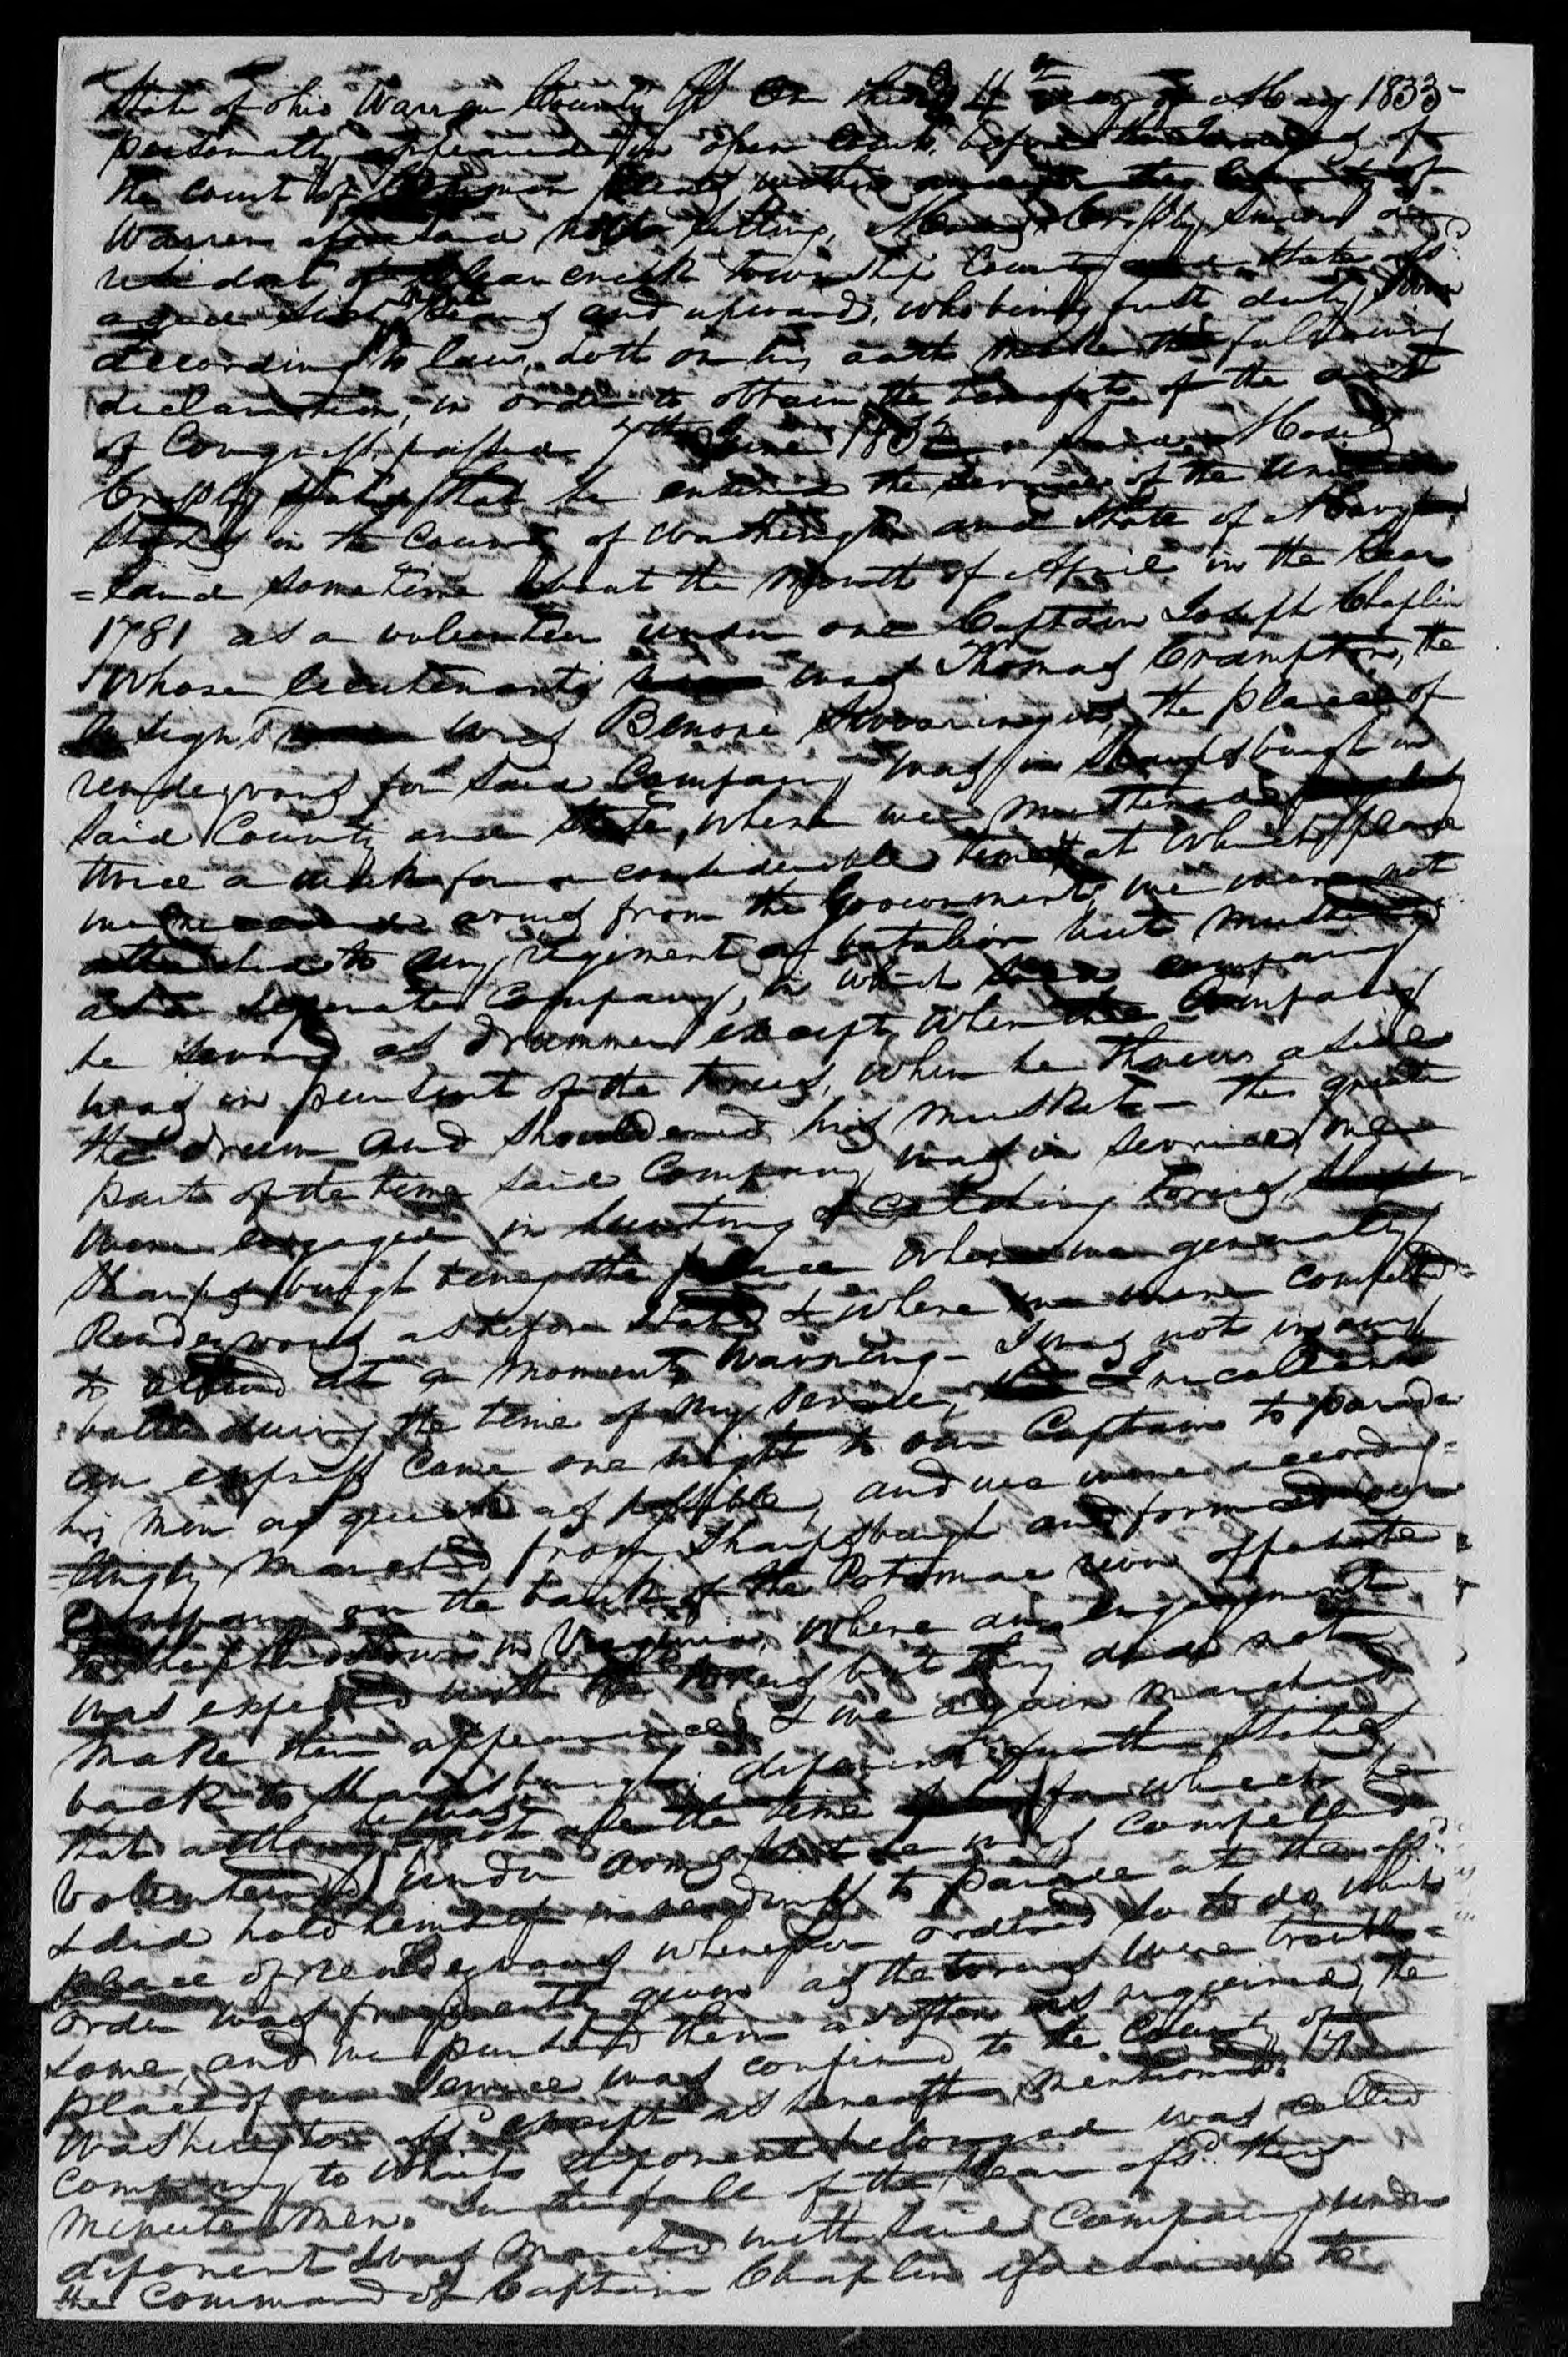State of Ohio Warren County [illegible] On this 4th day of May 1833 personally appeared in open court, before me a Justice of the Court of Common Pleas within and for the County of Warren aforesaid [illegible] sitting. Moses Crossly Senior a resident of [illegible] County and state as ages sixty nine years and upwards, who being first duly sworn according to law, doth on his oath make the following declaration, in order to obtain the benefit of the act of Congress passed 4th June 1832 [illegible] states that he enlisted the service of the United States in the Court of Washington State of Maryland sometime about the month of April in the year 1781 as a volunteer under one Captain Joseph Chaplin whose lieutenant [illegible] was Thomas Crampton, the assigned [illegible] was Before swearing in, the place of rendezvous for said company was in Sharpsburgh in said County and state, where we met them approximately[?] twice a week for a considerable time & at which place [illegible] from the Government[?] we were not attached to any regiment or batalion but [illegible] separate company, in which said company he served as drummer except when the company was in pursuit of the tories, when he thrust aside the drum and shouldered his musket--the greater part of the time said company was in service [illegible] engaged in hunting & catching Tories [illegible] Sharpsburgh [illegible] the place where we generally Rendezvous as before stated & where we were compelled to defend at a moments warning. I was not in any battle during the time of my service, but I recollect an express came one night to our Captain to parade his men as quickly as possible, and we were accordingly marched from Sharpsburgh and form [illegible] on the Bank of the Potomac river [illegible] in Virginia, where an engagement was expected [illegible] but they did not make their appearance & we again marched back to Sharpsburgh deponent further states that he was without[?] [illegible] after the time of [illegible] for which he [illegible] under [illegible] he was compelled & did hold himself [illegible] to parade at the off.[?] place of rendezvous whenever ordered so to do which order was frequently given as the tories were troublesome, and we paraded them as often as [illegible] the place of our service[?] was confined to the County of Washington [illegible] as hereafter mentioned. The company to which deponent belonged was called minute men. In fall of the year afsd. [illegible] deponent was marched with said company under the command of Captain Chaplin [illegible]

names: Chaplin, Joseph Chaplin, Moses Crossly, Thomas Crampton, Moses Crossly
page: 3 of 37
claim: rejected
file: R. 2516, Moses Crosley, Md.